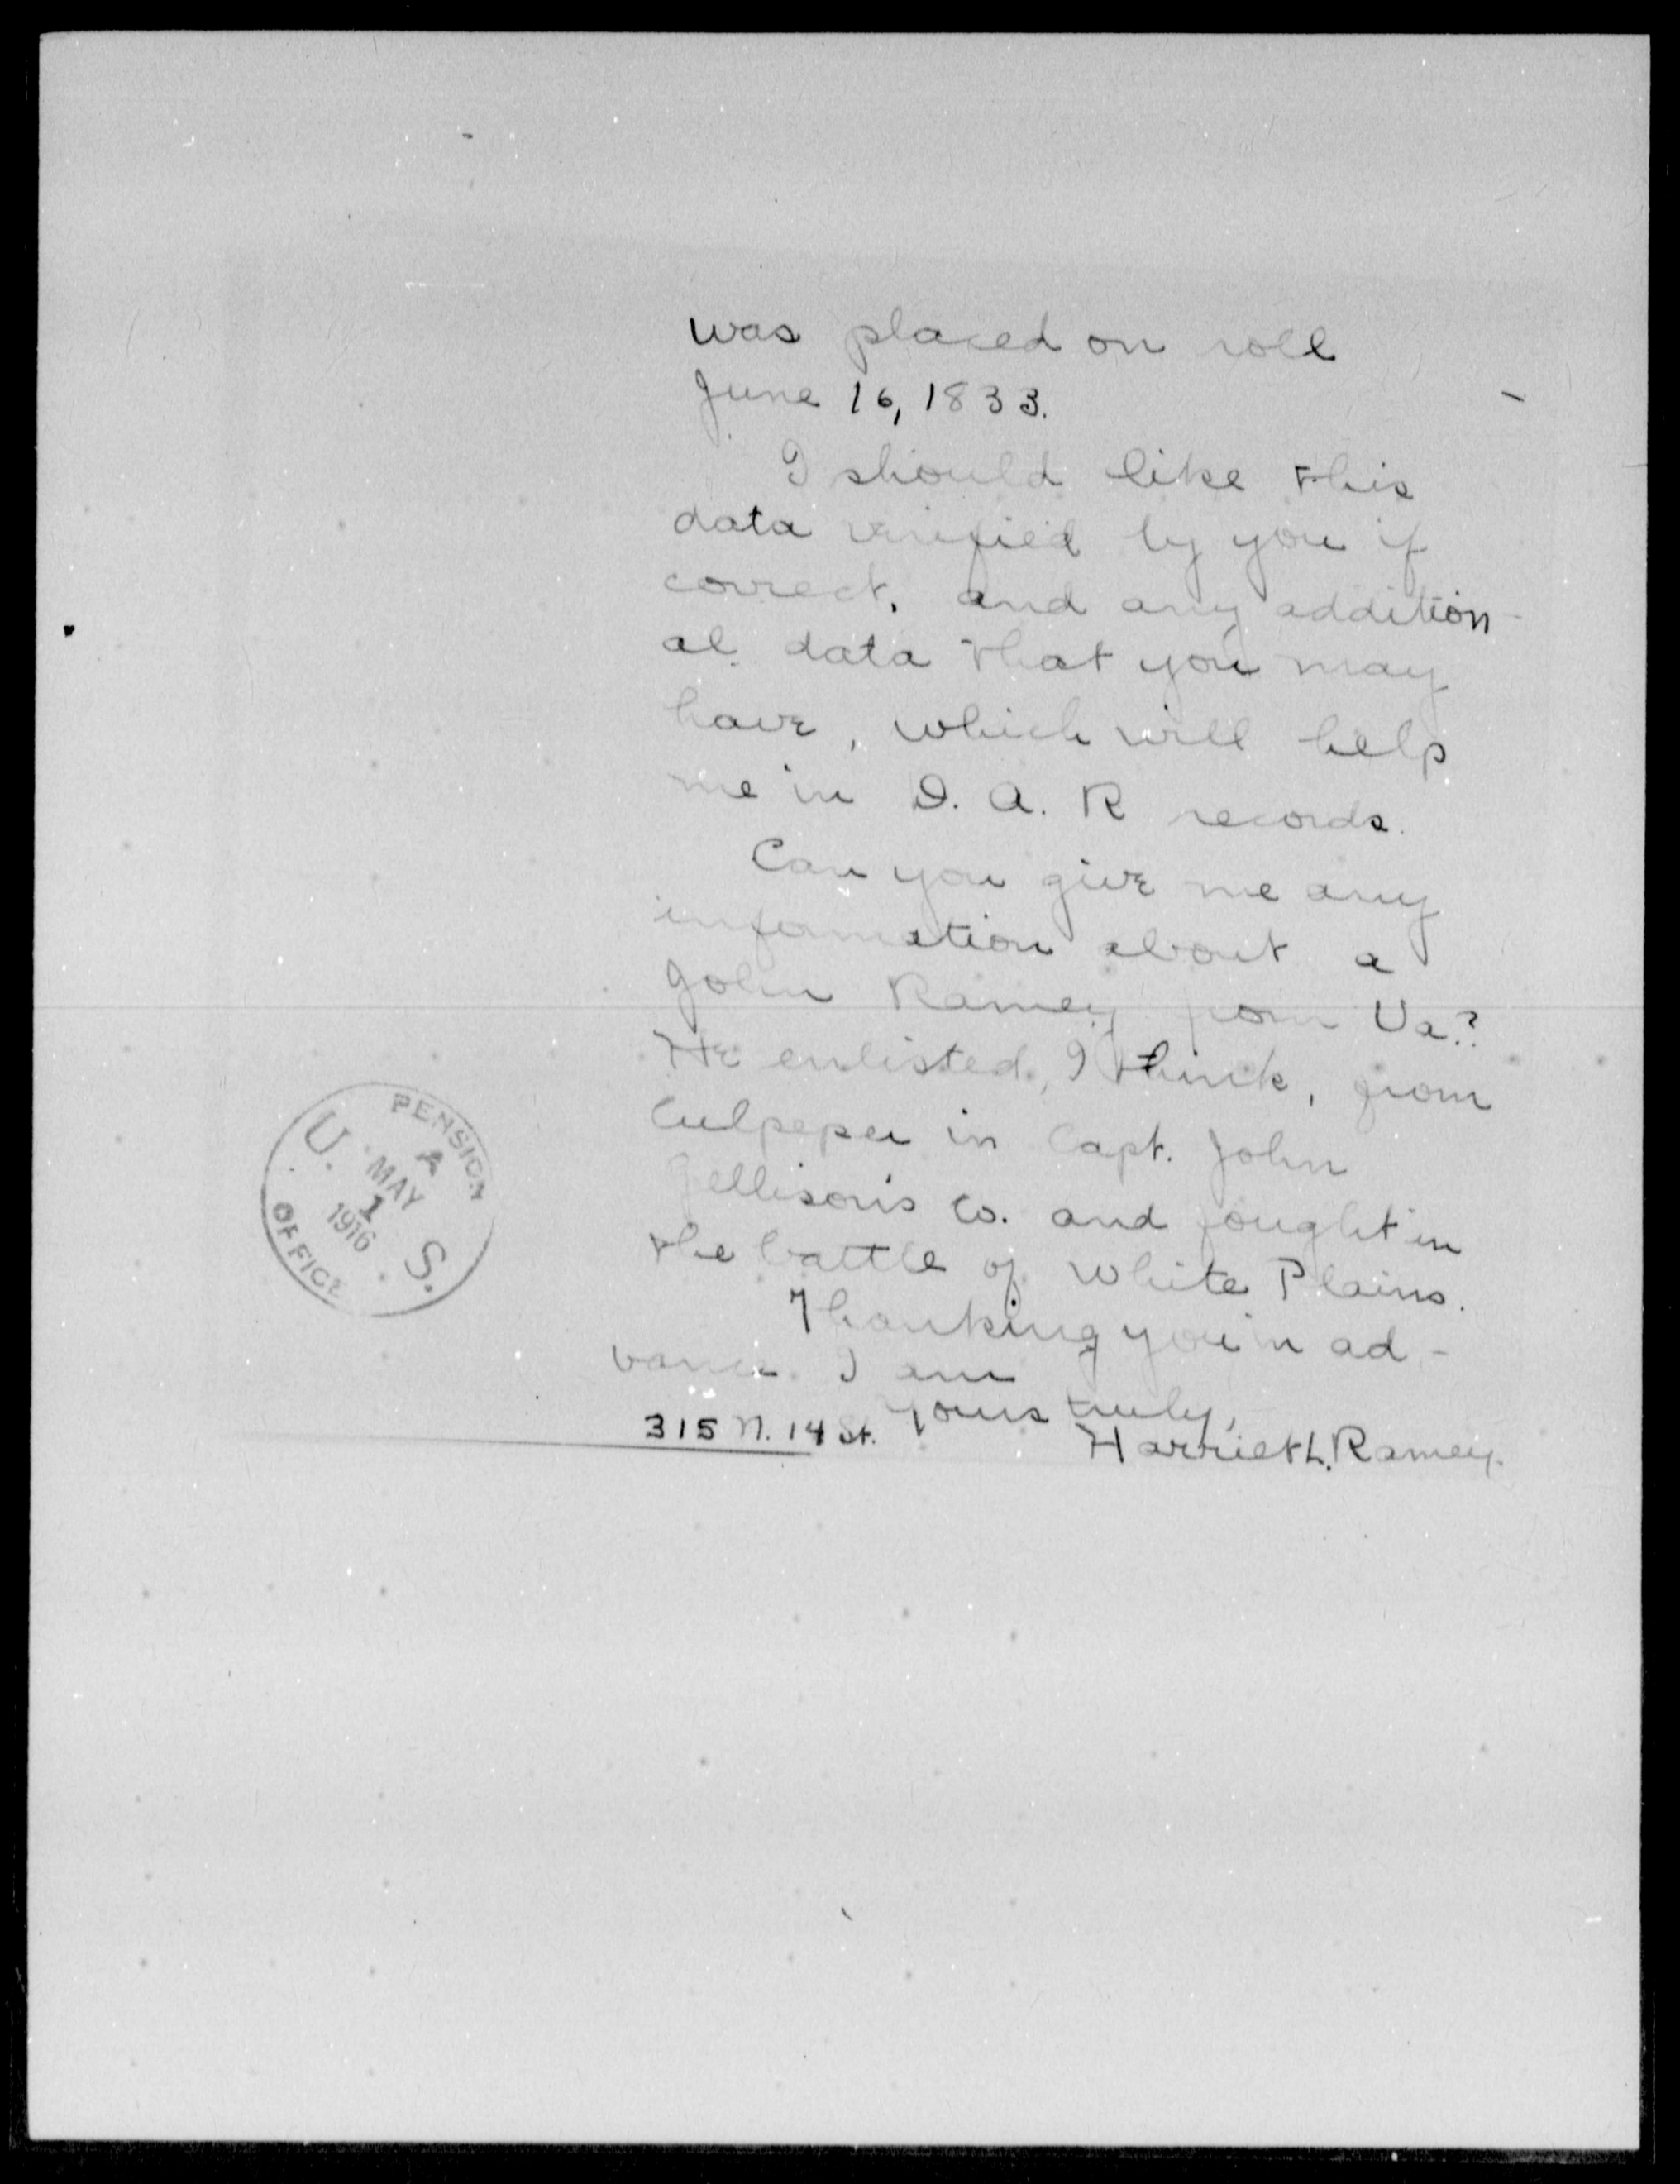was placed on roll June 16, 1833.
I should like this data verified by you if correct, and any additional data that you may have, which will help me in D.A.R. records.
Can you give me any information about a John Ramey from Va?
He enlisted, I think, from Culpeper in Capt. John Gillison's co. and fought in the battle of White Plains.
Thanking you in advance I am
Yours truly,
315 N. 14 St. Harriet L. Ramey.

U. S. PENSION OFFICE A
MAY 1 1916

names: John Ramey; Harriet L Ramey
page: 64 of 84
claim: widow's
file: W.11104, for John Remay, Virginia